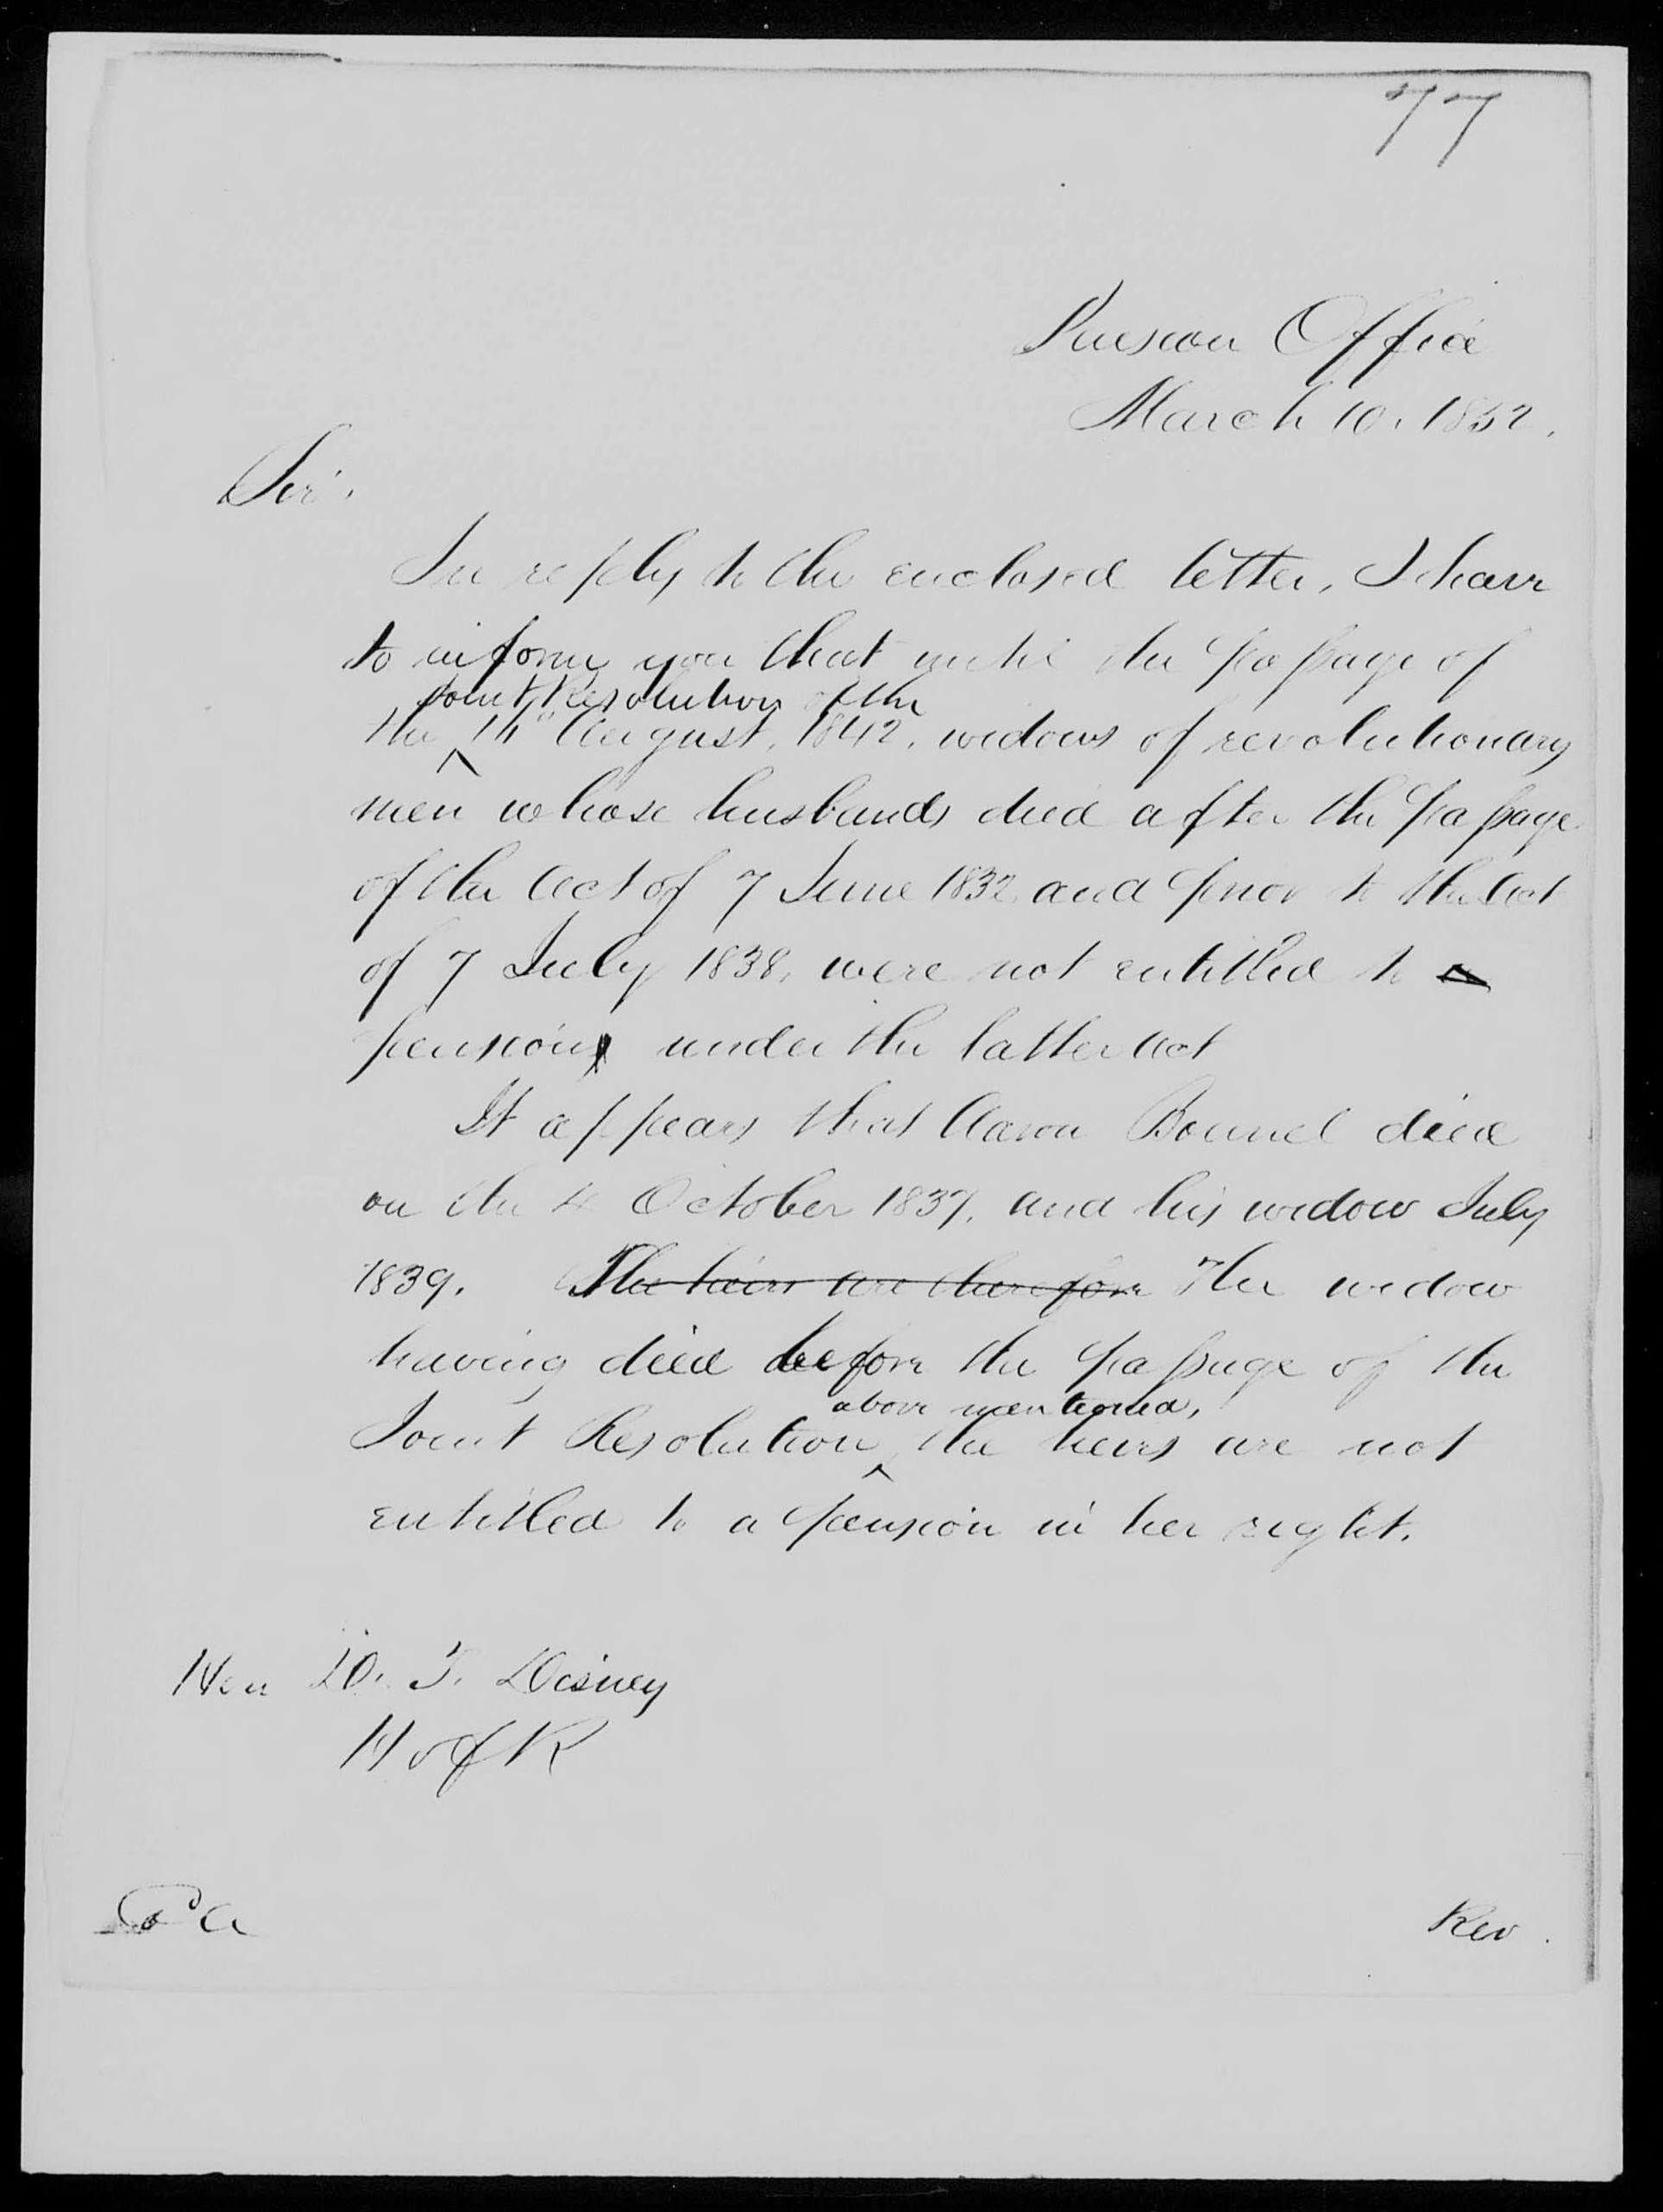77

Pension Office
March 10, 1832
Sir:
In reply to the enclosed letter, I have to inform you that until the passage of the joint resolution of the 16th August 1842, widows of revolutionary men whose husbands died after the passage of the Act of June 7 1832 and prior to the act of 7 July 1838, were not entitled to a pensions under the latter act.  It appears that Aaron Bonnel died on the 4 October 1837 and his widow July 1839,  The widow having died before the passage of the Joint Resolution above mentioned, the heirs are not entitled to a pension in her right
.
Hon J. T. Disney
H of R

Rev.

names: D T Disney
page: 27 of 67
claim: rejected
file: R. 1009, Aaron Bonnel, New Jersey